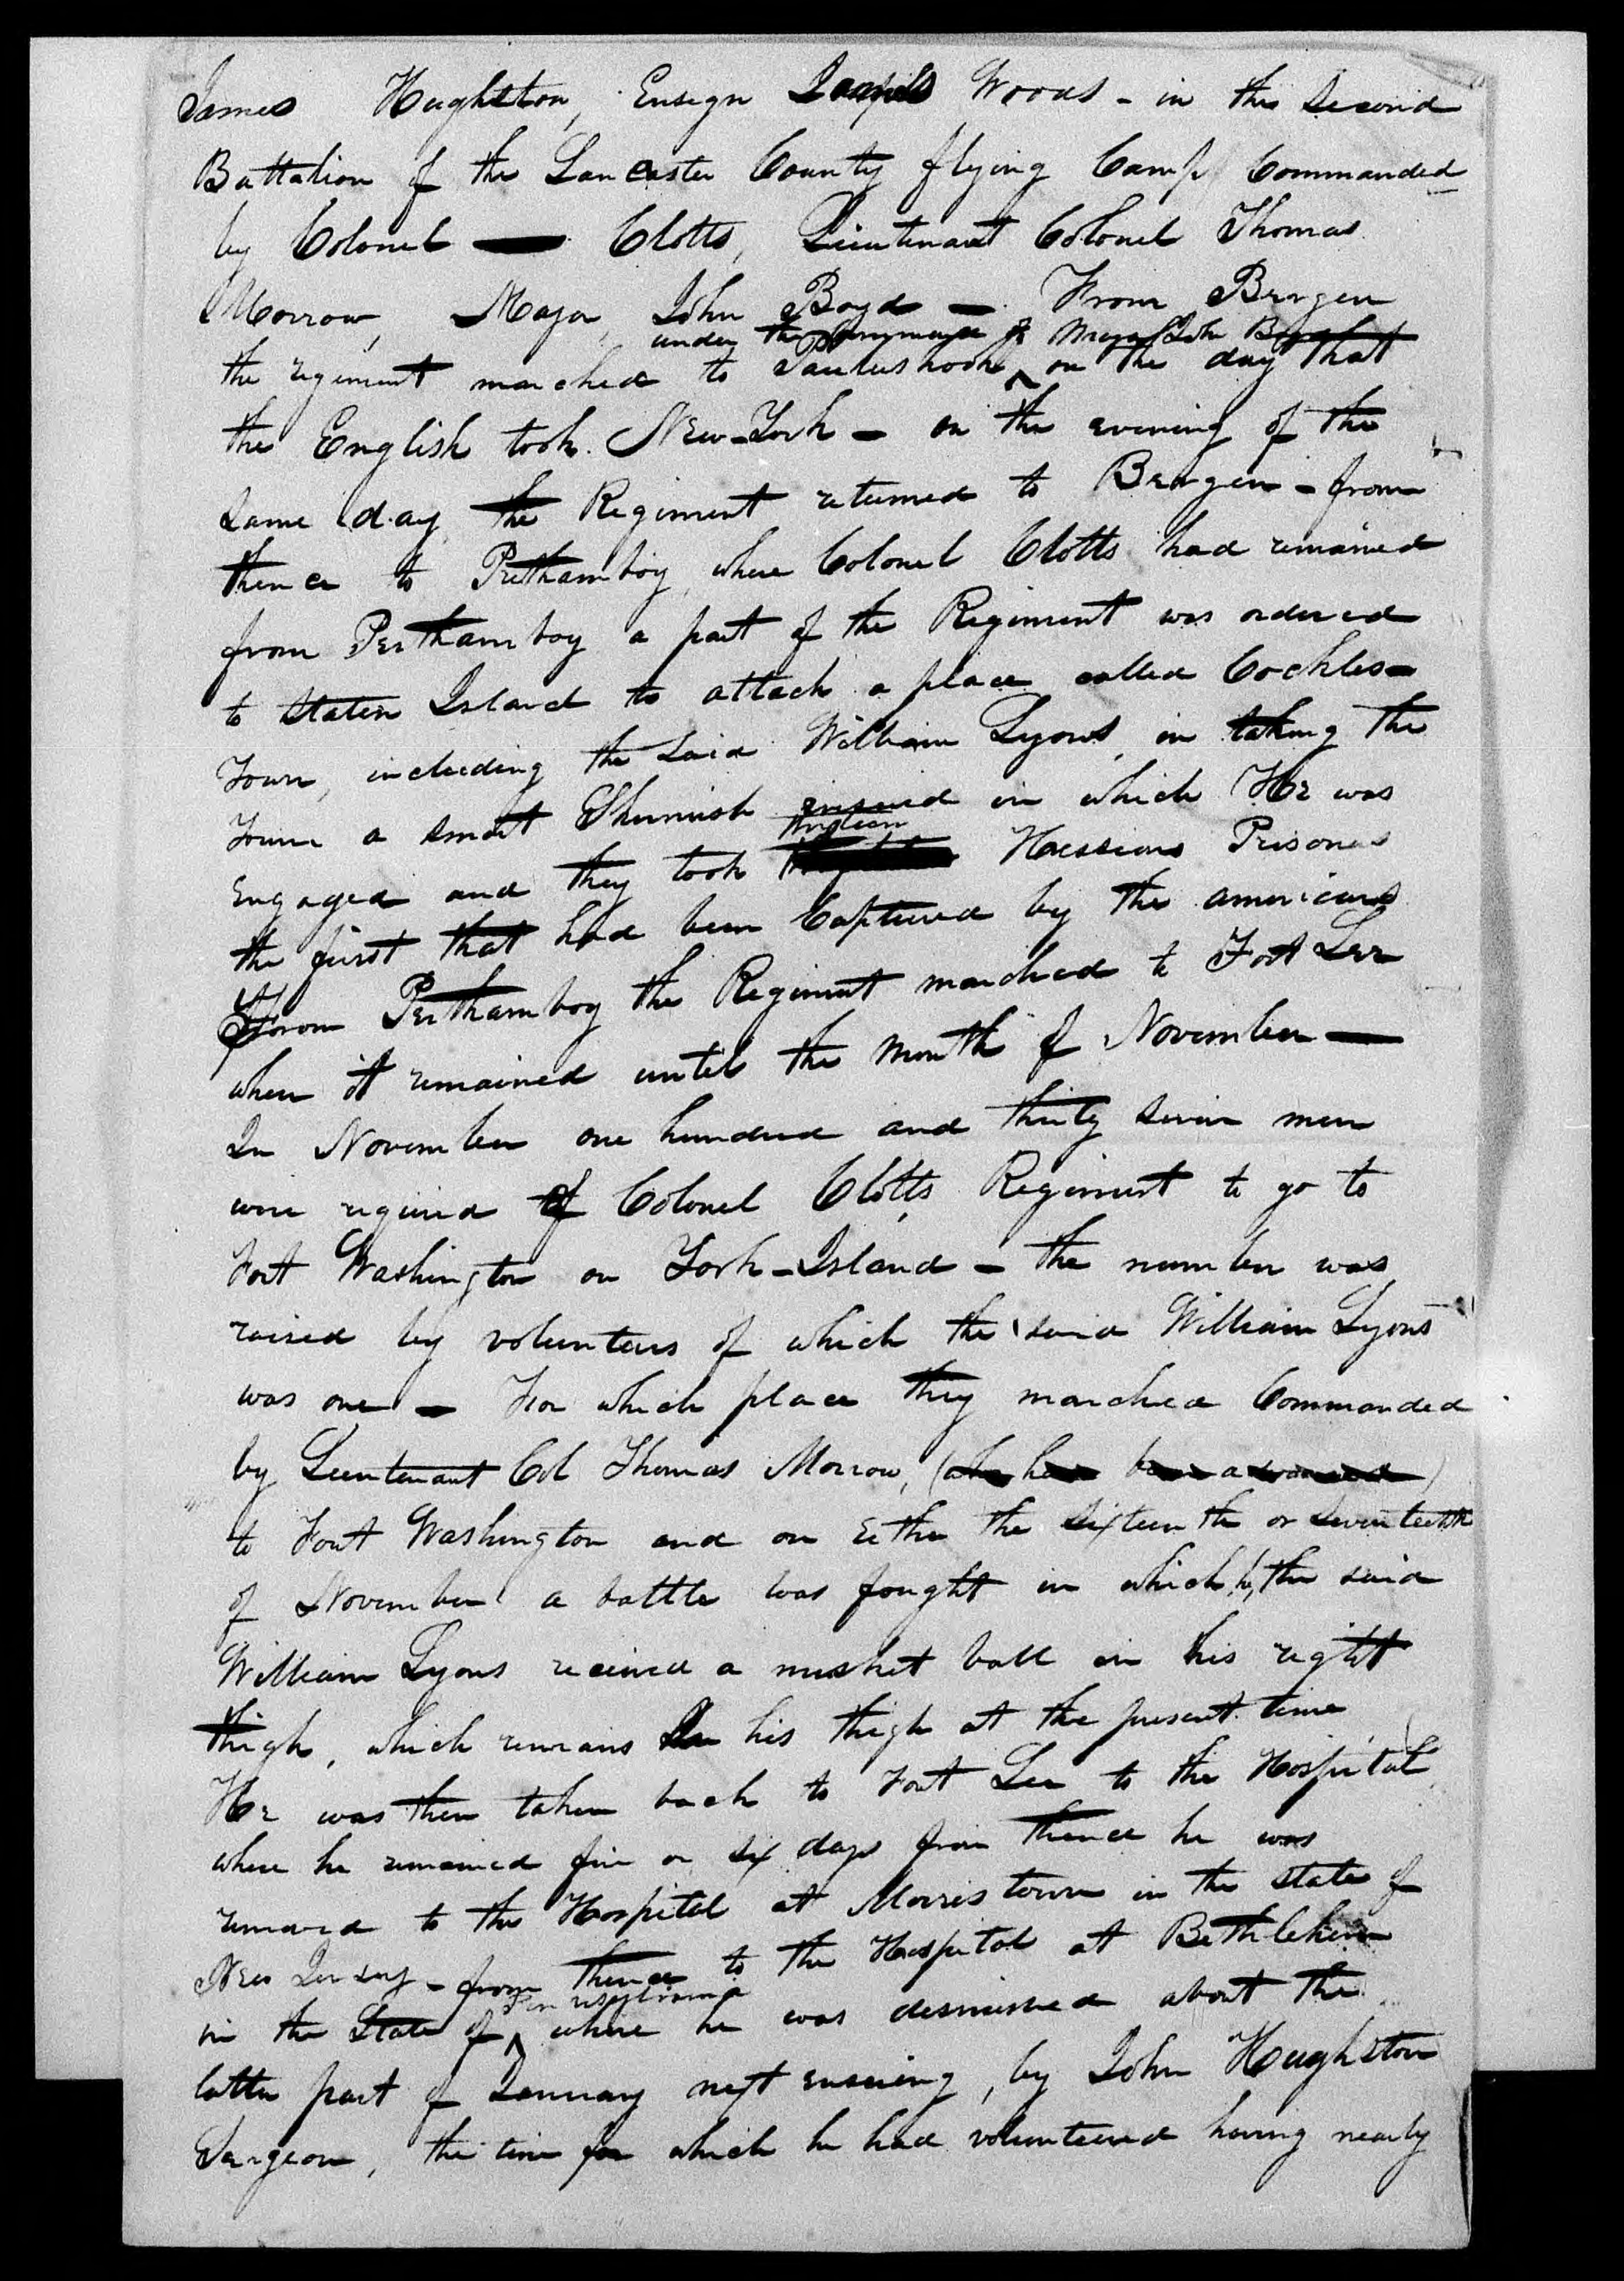James Houghton, Ensign James Woods in the Second Battalion of the Lancaster County flyin Camp Commanded by colonel Clotis Lieutenant Colonel Thomas Morrow, Major John Boyle From Bergen the regiment marched to Pautus Hook under the (unreadable words) on the day that the English took New York in the evening of the same day the Regiment returned to Bergen from thence to Prothamboy where Colonel Clotts had remained from Phurthamboy a part of the Regiment was ordered to Staten Island to attach a place called Cockles Town, including the Said William Lyons in taking the Tour,  a smart Shermish ensued in which He was engaged and they took Hassions Prisoner the first that had been Captured by the American From Penthamboy the Regiment marched to Fort Les where it remained until the month of November. In November one hundred and thirty seven men were required of Colonel Clotts Regiment to go to Fort Washington on York Island the number was raised by volunteers of which the said William Lyons was one. For which place they marched commanded by Lieutenant Col Thomas Morrow to Fort Washington and on either the sixteenth or Seventeenth of  November a battle was fought in which the said William Lyons received a Musket ball in his right thigh, Which remains to his thigh at the present time. He was then taken back to Fort Lee to the Hospital where he remained five or six day from there he was removed ot the Hospital at Noristown in the State of New Jersey from there to the Hospital at Bethlehem in the date of Pennsylvania where he was dismissed about the  latter part of January next morning, by John Hughston Surgeon this time for which he had volunteered having nearly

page: 8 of 41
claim: survivor's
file: S. 4585, for William Lyons, Pennsylvania